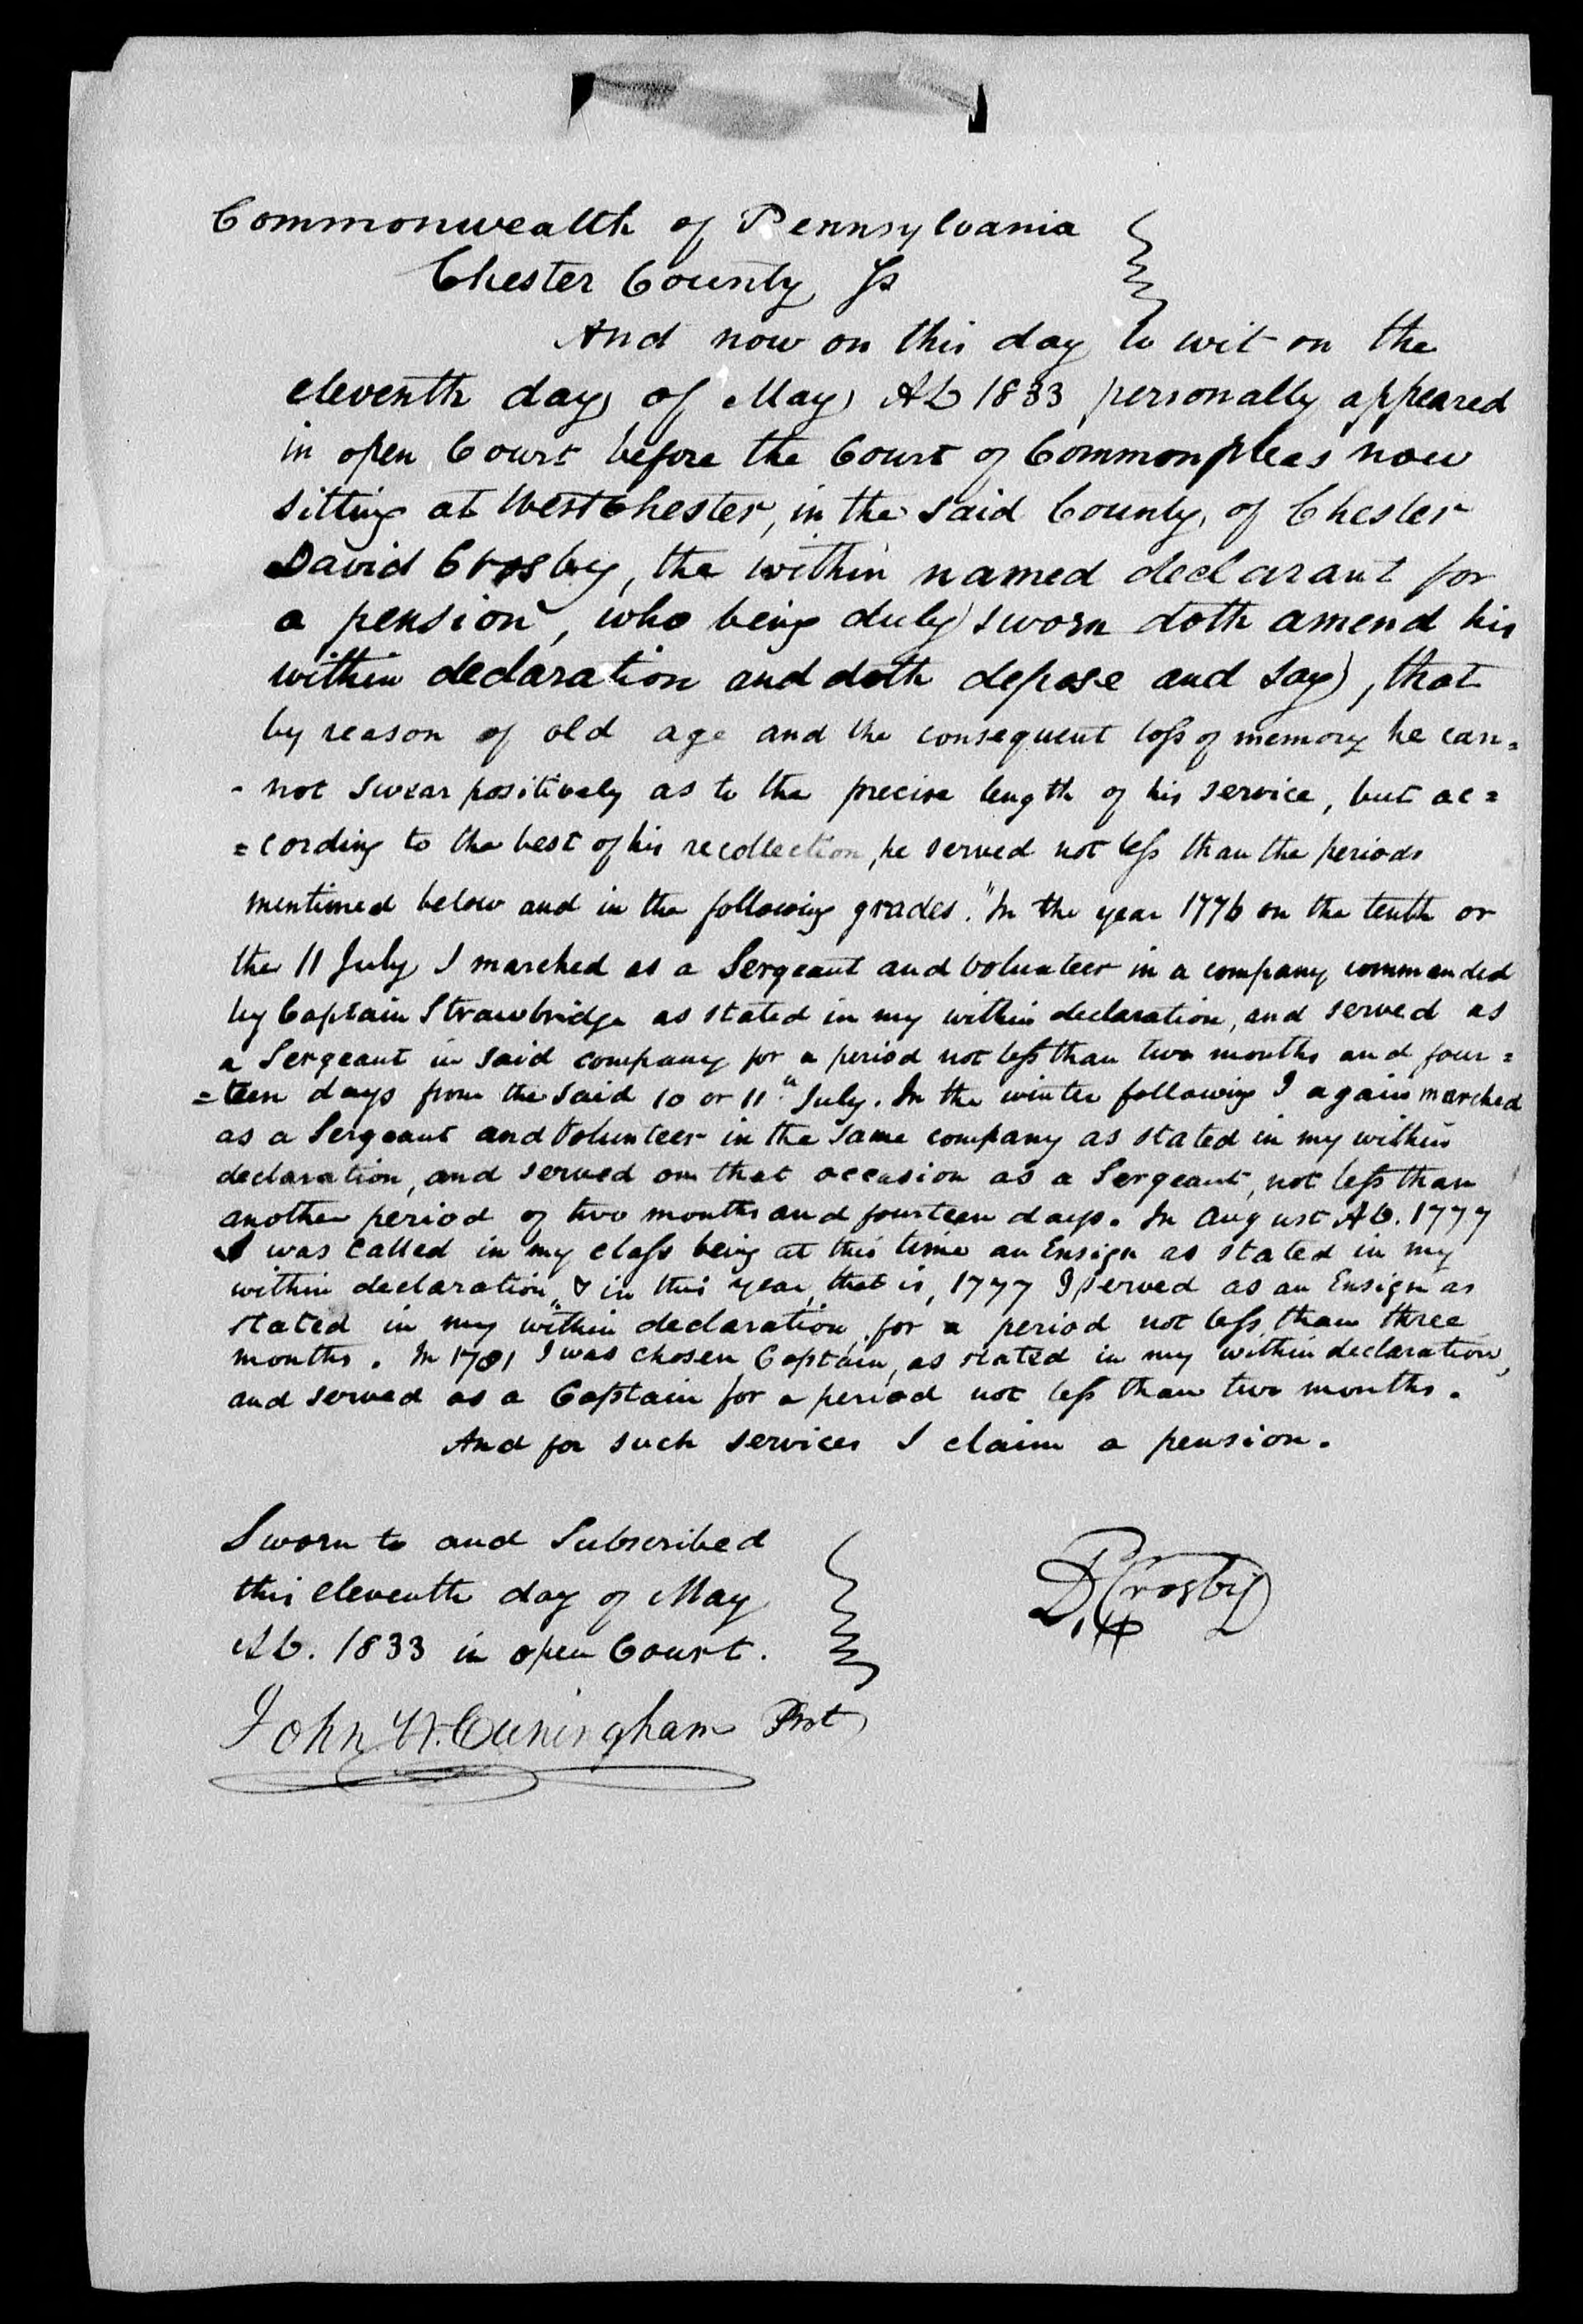Commonwealth of Pennsylvania
Chester County

And now on this day to wit on the
eleventh day of May AD 1833 personally appeared
in open Court before the Court of Common pleas now
sitting at Westchester, in the said County of Chester
David Crosby, the within named declarant for a pension
who being duly sworn doth amend his
within declaration and doth depose and say that
by reason of old age and the consequent loss of memory he can
not swear positively as to the precise length of his service, but according 
to the best of his recollection he served not less than the periods
mentioned below and in the following grades. In the year 1776 on the tenth or
the 11 July I marched as a Sergeant and volunteer in a company commanded
by Captain Strawbridge as stated in my within declaration, and served as
Sergeant in said company for a period not less than two months and fourteen 
days from the said 10 or 11th July. In the winter following I again marched
as a Sergeant and volunteer in the same company as stated in my within
declaration, and served on that occasion as a Sergeant, not less than
another period of two months and fourteen days. In August AD 1777
was called in my class being at this time an Ensign as stated in my
within declaration, & in this year that is, 1777 I served as an Ensign as
stated in my within declaration for a period not less than three
months. In 1781 I was chosen Captain, as stated in my within declaration
and served as a captain for a period not less than two months
And for such services I claim a pension
Sworn to and subscribed
this eleventh day of May
6. 1833 in open Court
John W. Cunningham Prot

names: D Crosby, David Crosby, Strawbridge, John W Cuningham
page: 11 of 19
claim: survivor's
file: S. 12626, David Crosby, Penn.